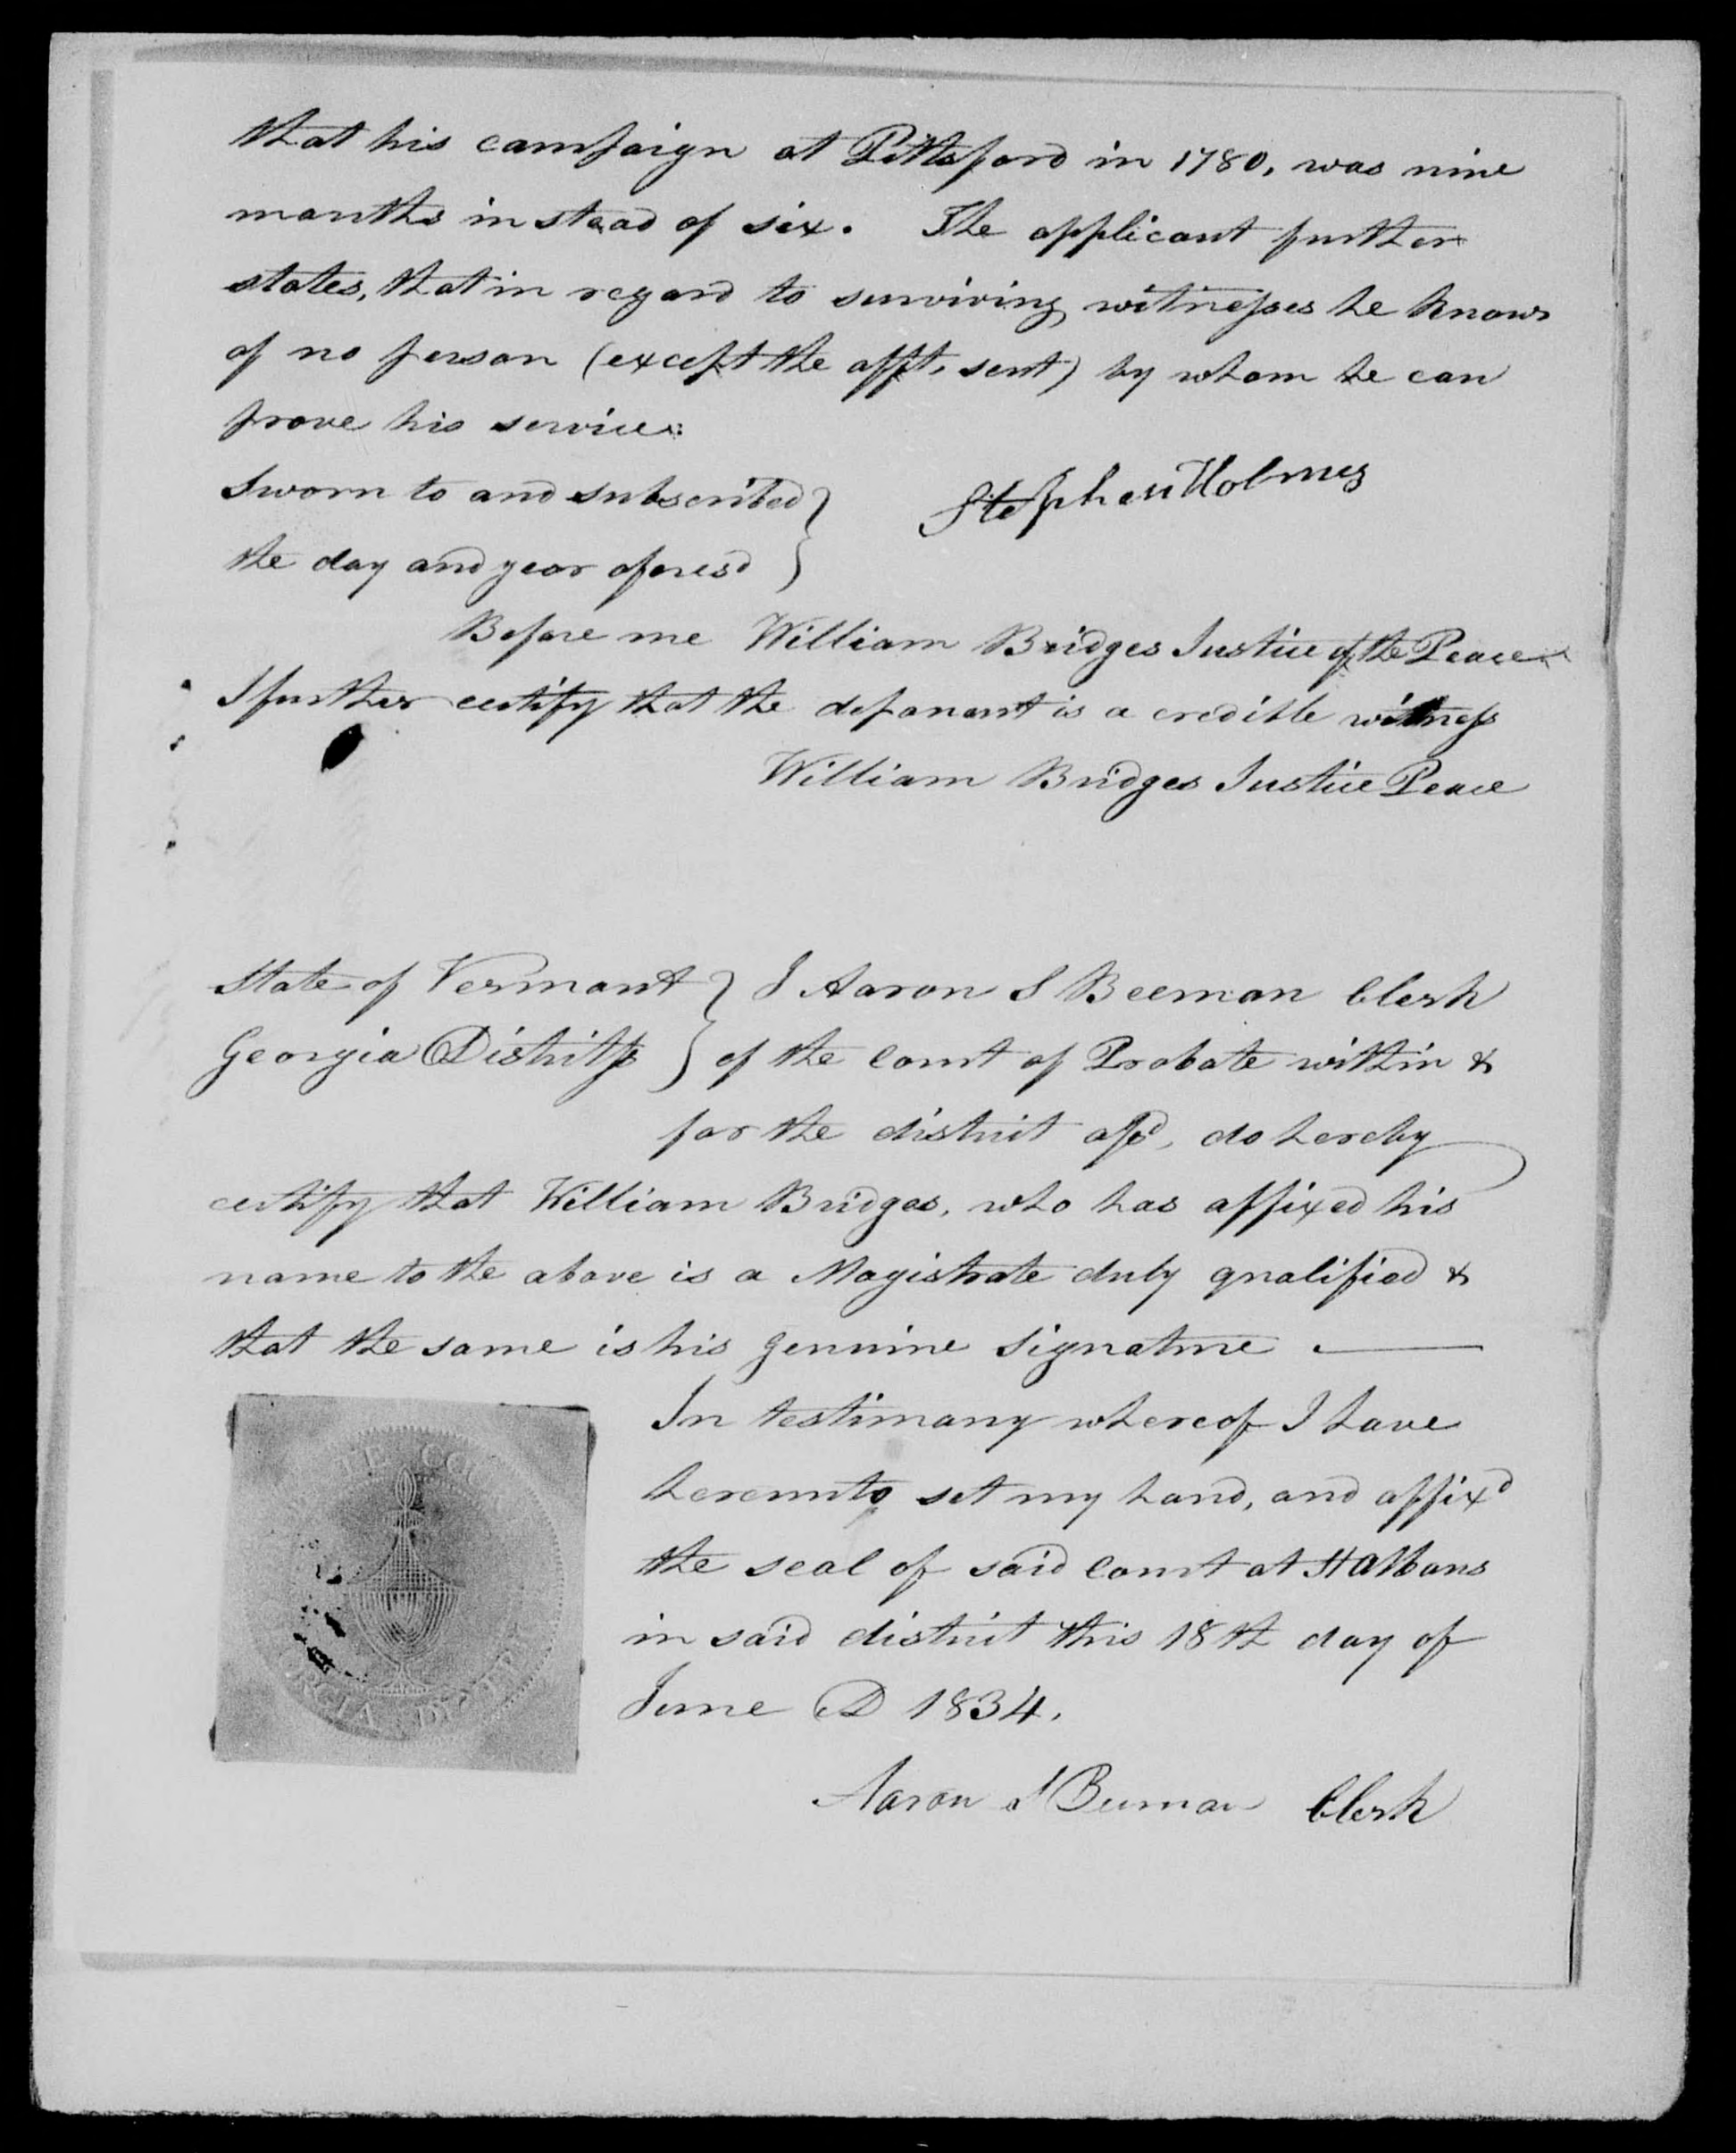that his campaign at Pittsford in 1780, was nine months instead of six. The applicant further states, that in regard to surviving witnesses he knows of no person (except the [illegible]) by whom he can prove his services.

Sworn to and subscribed the day and year aforesd

Stephen Holmes

Before me William Bridges Justice of the Peace I further certify that the deponant is a credible witness

William Bridges Justice Peace

State of Vermont Georgia District [illegible]

I Aaron S Beeman Clerk of the Court of Probate within & for the district afsd, do hereby certify that William Bridges, who has affixed his name to the above is a Magistrate duly qualified & that the same is his genuine signature.

[seal of the Georgia District Probate Court]

In testimony whereof I have hereunto set my hand, and affixd the seal of said Court at St Albans in said district this 18th day of June AD 1834.

Aaron S Beeman Clerk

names: Aaron S Beeman, Aaron S Beeman, Stephen Holmes, William Bridges, William Bridges, William Bridges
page: 34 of 72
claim: widow's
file: W. 7771, Stephen Holmes, Vt.